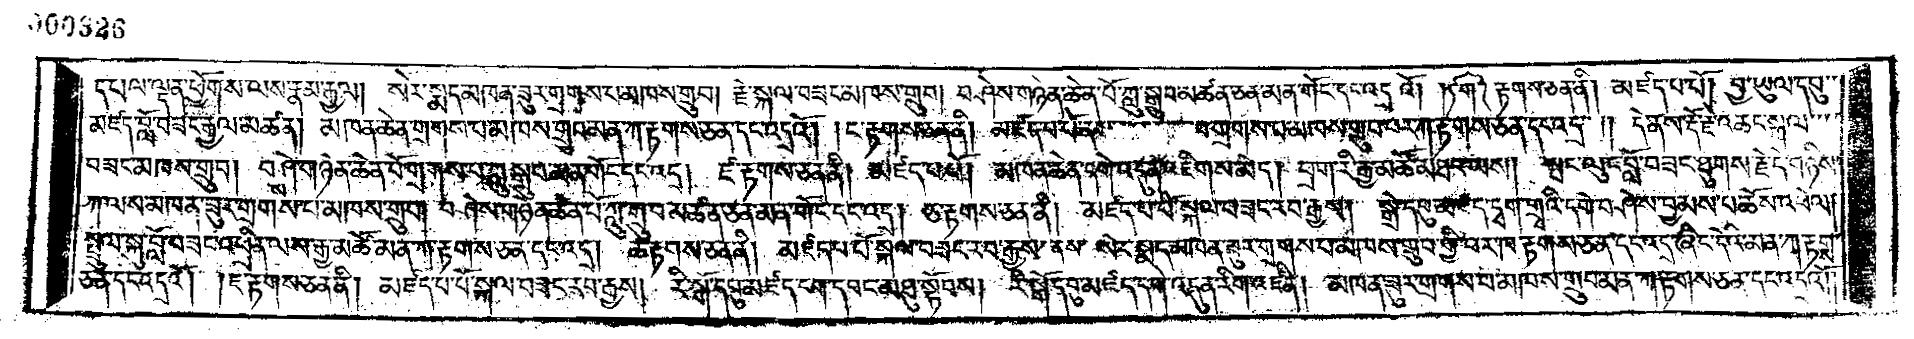དཔལ་ལྡན་ཕྱོགས་ལས་རྣམ་རྒྱལ། སེར་སྨད་མཁན་ཟུར་གྲགས་པ་མཁས་གྲུབ། རྗེ་སྐལ་བཟང་མཁས་གྲུབ། བཤེས་གཉེན་ཆེན་པོ་ཀླུ་སྒྲུབ་མཚན་ཅན་མན་གོང་དང་འདྲའོ། །༼ག༽ རྟགས་ཅན་ནི། མཛད་པ་པོ། བྱ་ཡུལ་དབུ་
མཛད་བློ་བཟང་རྒྱལ་མཚན། མཁན་ཆེན་གྲགས་པ་མཁས་གྲུབ་མན་ཀ་རྟགས་ཅན་དང་འདྲའོ། །ང་རྟགས་ཅན་ནི། མཛད་པ་པོ་ནས་བ་གྲགས་པ་མཁས་གྲུབ་བར་ཀ་རྟགས་ཅན་དང་འདྲ།། དེ་ནས་རྡོ་རྗེ་འཆང་སྐལ་
བཟང་མཁས་གྲུབ། བཤེས་གཉེན་ཆེན་པོ་གྲགས་པ་ཀླུ་སྒྲུབ་མན་གོང་དང་འདྲ། ཛ་རྟགས་ཅན་ནི། མཛད་པ་པོ། མཁན་ཆེན་དགེ་འདུན་འཇིགས་མེད། བྲག་རི་རྒྱ་མཚོ་མཐའ་ཡས། སྤང་ལུང་བློ་བཟང་ཐུགས་རྗེ་དེ་གཉིས་
ཀ་ལས་མཁན་ཟུར་གྲགས་པ་མཁས་གྲུབ། བཤེས་གཉེན་ཆེན་པོ་ཀླུ་གྲུབ་མཚན་ཅན་མན་གོང་དང་འདྲ། ཅ་རྟགས་ཅན་ནི། མཛད་པ་པོ་སྐལ་བཟང་རབ་རྒྱས། སྒྲེ་དབུ་མཛད་དྭག་གྲྭའི་དགེ་བཤེས་བྱམས་པ་ཆོས་འཕེལ།
སྤྲུལ་སྐུ་བློ་བཟང་འཕྲིན་ལས་རྒྱ་མཚོ་མན་ཀ་རྟགས་ཅན་དང་འདྲ། ཆ་རྟགས་ཅན་ནི། མཛད་པ་པོ་སྐལ་བཟང་རབ་རྒྱས་ནས་སེར་སྨད་མཁན་ཟུར་གྲགས་པ་མཁས་གྲུབ་གྱི་བར་ཁ་རྟགས་ཅན་དང་འདྲ་ཞིང་དེའི་མན་ཀ་རྟགས་
ཅན་དང་འདྲའོ། །ཇ་རྟགས་ཅན་ནི། མཛད་པ་པོ་སྐལ་བཟང་རབ་རྒྱས། རི་སྒོ་དབུ་མཛད་ངག་དབང་མཐུ་སྟོབས། རི་སྒོ་དབུ་མཛད་དགེ་འདུན་རིག་འཛིན། མཁན་ཟུར་གྲགས་པ་མཁས་གྲུབ་མན་ཀ་རྟགས་ཅན་དང་འདྲའོ།།